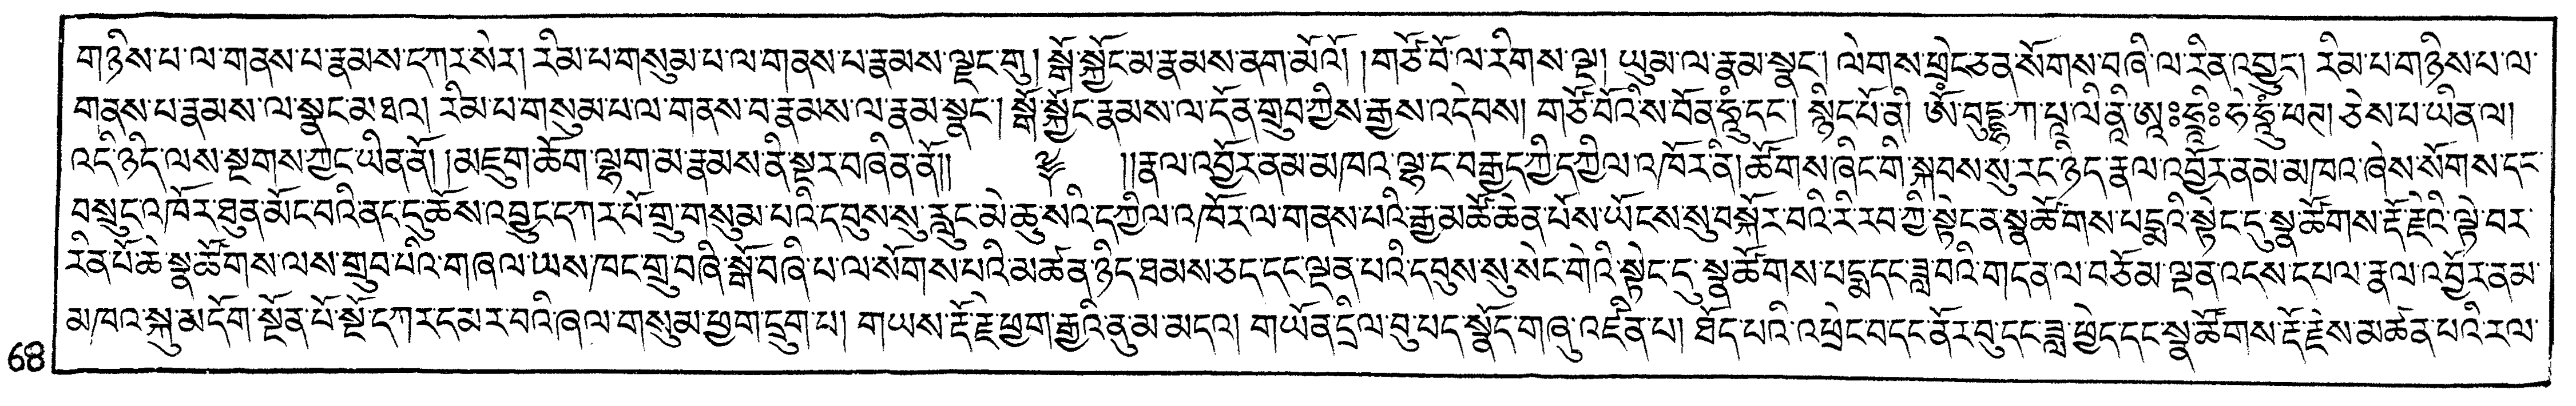གཉིས་པ་ལ་གནས་པ་རྣམས་དཀར་སེར། རིམ་པ་གསུམ་པ་ལ་གནས་པ་རྣམས་ལྗང་གུ །སྒོ་སྐྱོང་མ་རྣམས་ནག་མོའོ། །གཙོ་བོ་ལ་རིགས་ལྔ། ཡུམ་ལ་རྣམ་སྣང་། ལེགས་ཕྲེང་ཅན་སོགས་བཞི་ལ་རིན་འབྱུང་། རིམ་པ་གཉིས་པ་ལ་
གནས་པ་རྣམས་ལ་སྣང་མཐའ། རིམ་པ་གསུམ་པ་ལ་གནས་པ་རྣམས་ལ་རྣམ་སྣང་། སྒོ་སྐྱོང་རྣམས་ལ་དོན་གྲུབ་ཀྱིས་རྒྱས་འདེབས། གཙོ་བོའི་ས་བོན་ཧཱུཾ་དང་། སྙིང་པོ་ནི། ཨོཾ་བུདྡྷ་ཀ་པཱ་ལི་ནཱི་ཨཱཿ ཧྲཱིཿ ཧེ་ཧཱུཾ་ཕཊ། ཅེས་པ་ཡིན་ལ།
འདི་ཉིད་ལས་སྔགས་ཀྱང་ཡིན་ནོ། །མཇུག་ཆོག་ལྷག་མ་རྣམས་ནི་སྔར་བཞིན་ནོ།། ༈ །།རྣལ་འབྱོར་ནམ་མཁའ་ལྷ་ང་བརྒྱད་ཀྱི་དཀྱིལ་འཁོར་ནི། ཚོགས་ཞིང་གི་སྐབས་སུ་རང་ཉིད་རྣལ་འབྱོར་ནམ་མཁའ་ཞེས་སོགས་དང་
བསྲུང་འཁོར་ཐུན་མོང་བའི་ནང་དུ་ཆོས་འབྱུང་དཀར་པོ་གྲུ་གསུམ་པའི་དབུས་སུ་རླུང་མེ་ཆུ་སའི་དཀྱིལ་འཁོར་ལ་གནས་པའི་རྒྱ་མཚོ་ཆེན་པོས་ཡོངས་སུ་བསྐོར་བའི་རི་རབ་ཀྱི་སྟེང་ན་སྣ་ཚོགས་པདམའི་སྟེང་དུ་སྣ་ཚོགས་རྡོ་རྗེའི་ལྟེ་བར་
རིན་པོ་ཆེ་སྣ་ཚོགས་ལས་གྲུབ་པའི་གཞལ་ཡས་ཁང་གྲུ་བཞི་སྒོ་བཞི་པ་ལ་སོགས་པའི་མཚན་ཉིད་ཐམས་ཅད་དང་ལྡན་པའི་དབུས་སུ་སེང་གེའི་སྟེང་དུ་སྣ་ཚོགས་པདམ་དང་ཟླ་བའི་གདན་ལ་བཅོམ་ལྡན་འདས་དཔལ་རྣལ་འབྱོར་ནམ་
མཁའ་སྐུ་མདོག་སྔོན་པོ་སྔོ་དཀར་དམར་བའི་ཞལ་གསུམ་ཕྱག་དྲུག་པ། གཡས་རྡོ་རྗེ་ཕྱག་རྒྱའི་ནུ་མ་མདའ། གཡོན་དྲིལ་བུ་པད་སྣོད་གཞུ་འཛིན་པ། ཐོད་པའི་འཕྲེང་བ་དང་ནོར་བུ་དང་ཟླ་ཕྱེད་དང་སྣ་ཚོགས་རྡོ་རྗེས་མཚན་པའི་རལ་